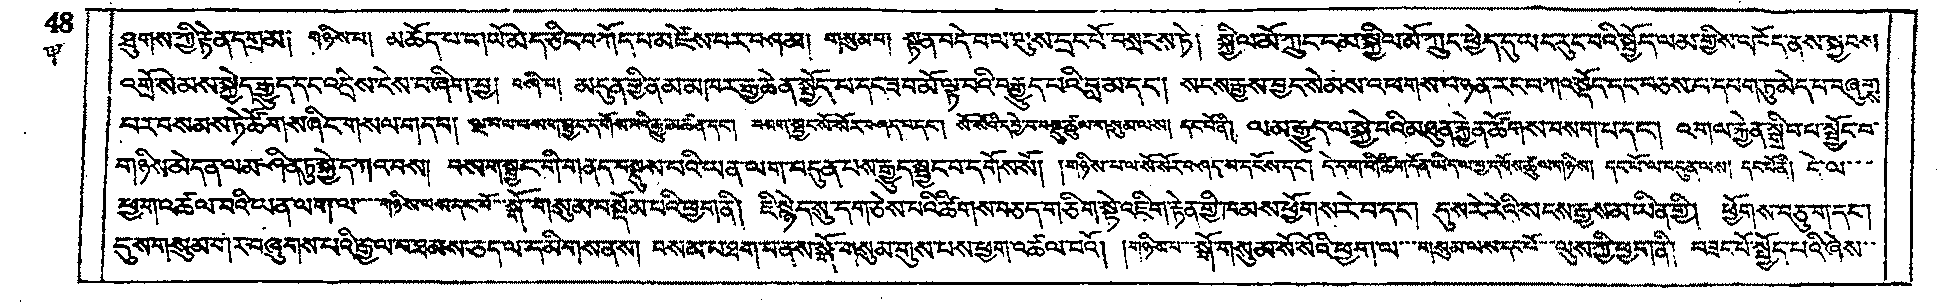ཐུགས་ཀྱི་རྟེན་དགྲམ། གཉིས་པ། མཆོད་པ་གཡོ་མེད་ཅིང་བཀོད་པ་མཛེས་པར་བཤམ། གསུམ་པ། སྟན་བདེ་བ་ལ་ལུས་དྲང་པོ་བསྲངས་ཏེ། སྐྱིལ་མོ་ཀྲུང་ངམ་སྐྱིལ་མོ་ཀྲུང་ཕྱེད་དུ་ཡང་རུང་བའི་སྤྱོད་ལམ་གྱིས་འཁོད་ནས་སྐྱབས་
འགྲོ་སེམས་སྐྱེད་རྒྱུད་དང་འདྲེས་ངེས་པ་ཞིག་བྱ། བཞི་པ། མདུན་གྱི་ནམ་མཁར་རྒྱ་ཆེན་སྤྱོད་པ་དང་ཟབ་མོ་ལྟ་བའི་བརྒྱུད་པའི་བླ་མ་དང་། སངས་རྒྱས་བྱང་སེམས་འཕགས་པ་ཉན་རང་བཀའ་སྡོད་དང་བཅས་པ་དཔག་ཏུ་མེད་པ་བཞུགས་
པར་བསམས་ཏེ་ཚོགས་ཞིང་གསལ་གདབ། ལྔ་པ་ལ་བསག་སྦྱང་དགོས་པའི་རྒྱུ་མཚན་དང་། བསག་སྦྱང་སོ་སོར་བཤད་པ་དང་། སོ་སོའི་དབྱེ་བ་བསྡུ་ཚུལ་གསུམ་ལས། དང་པོ་ནི། ལམ་རྒྱུད་ལ་སྐྱེ་བའི་མཐུན་རྐྱེན་ཚོགས་བསག་པ་དང་། འགལ་རྐྱེན་སྒྲིབ་པ་སྦྱོང་བ་
གཉིས་མེད་ན་ལམ་ཤིན་ཏུ་སྐྱེ་དཀའ་བས། བསག་སྦྱང་གི་གནད་བསྡུས་པའི་ཡན་ལག་བདུན་པས་རྒྱུད་སྦྱང་བ་དགོས་སོ། ། གཉིས་པ་ལ་སོ་སོར་བཤད་ས་དངོས་དང་། དེ་དག་གི་ཚིག་དོན་ཡིད་ལ་བྱ་དགོས་ཚུལ་གཉིས། དང་པོ་ལ་བདུན་ལས། དང་པོ་ནི། དེ་ལ
ཕྱག་འཚལ་བའི་ཡན་ལག་ལགཉིས་ལས་དང་པོསྒོ་གསུམ་བསྡོམ་པའི་ཕྱག་ནི། ཇི་སྙེད་སུ་དག་ཅེས་པའི་ཚིགས་བཅད་གཅིག་སྟེ་འཇིག་རྟེན་གྱི་ཁམས་ཕྱོགས་རེ་བ་དང་། དུས་རེ་རེའི་སངས་རྒྱས་མ་ཡིན་གྱི། ཕྱོགས་བཅུ་ག་དང་།
དུས་གསུམ་གར་བཞུགས་པའི་རྒྱལ་བ་ཐམས་ཅད་ལ་དམིགས་ནས། བསམ་པ་ཐག་པ་ནས་སྒོ་གསུམ་གུས་པས་ཕྱག་འཚལ་བའོ། ། གཉིས་པསྒོ་གསུམ་སོ་སོའི་ཕྱག་ལགསུམ་ལས་དང་པོལུས་ཀྱི་ཕྱག་ནི། བཟང་པོ་སྤྱོད་པའི་ཞེས་